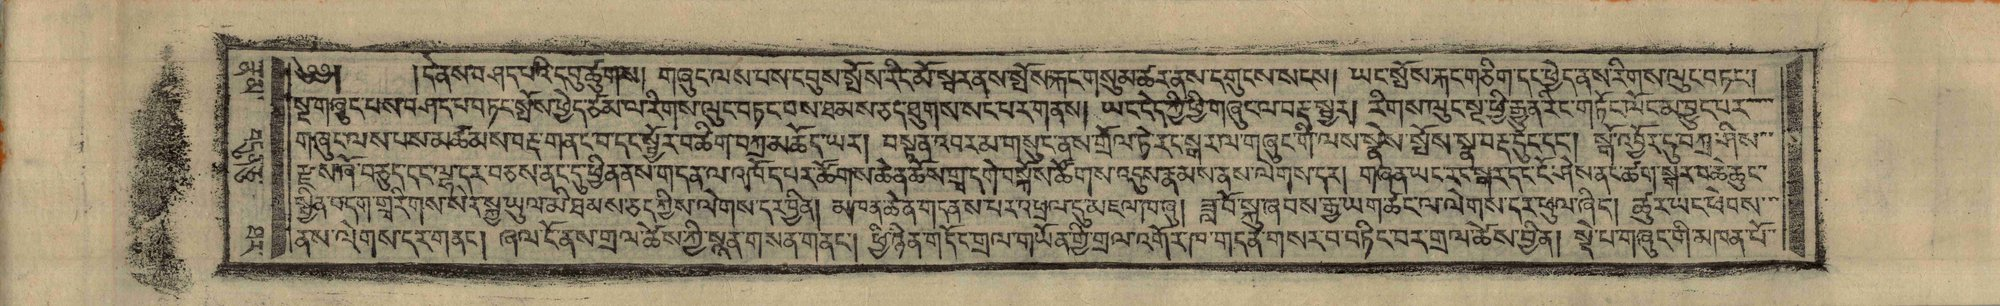༄༅། །དེ་ནས་བཤད་པའི་དབུ་ཚུགས། གཞུང་ལས་པས་དབུས་སྤོས་རིང་མོ་སྦར་ནས་སྤོས་རྐང་གསུམ་ཚར་ནས་དགུངས་སངས། ཡང་སྤོས་རྐང་གཅིག་དང་ཕྱེད་ནས་རིགས་ལུང་བཏང་།
སྔ་གཞུང་པས་བཤད་པ་བཏང་སྤོས་ཕྱེད་ཙམ་ལ་རིགས་ལུང་བཏང་བས་ཐམས་ཅད་ཐུགས་སང་པར་གནས། ཡང་ངེད་ཀྱི་ཕྱི་གཞུང་ལ་བརྡ་སྦྱར། རིགས་ལུང་སྔ་ཕྱི་རྒྱུན་རིང་གཏོང་ལོང་མ་བྱུང་པར་
གཞུང་ལས་པས་མཚམས་བརྡ་གནང་བ་དང་སྦྱོར་བ་ཚིག་བཀྲ་མཆོད་ཡར། བསྟན་འབར་མ་གསུང་ནས་གྲོལ་ཏེ་རང་སྒར་ལ་གཞུང་གི་ལས་སྣེས་སྤོས་སྣ་བརྡ་དུང་དང་། སྒོ་འབྱོར་དུ་བཀྲ་ཤིས་
རྫས་ཞོ་བཅུད་དང་ལྷ་དར་བཅས་ནང་དུ་ཕྱིན་ནས་གདན་ལ་འཁོད་པར་ཚོགས་ཆེན་ཆོས་གྲྭ་དགེ་བསྐོས་ཚོགས་འདུས་རྣམས་ནས་ལེགས་དར། གཞན་ཡང་རང་སྒར་དང་ངོ་ཤེས་ནང་ཚག་སྒར་བ་ཆེ་ཆུང་
སྦྱིན་བདག་གྲྭ་རིགས་སེར་སྐྱ་ཡུལ་མི་ཐམས་ཅད་ཀྱིས་ལེགས་དར་བྱིན། མཁན་ཆེན་གདན་ས་པར་འཕྲལ་དུ་མཇལ་ཁ་ཞུ། ཟླ་བོ་སྐུ་ཞབས་རྒྱ་ཡག་ཚང་ལ་ལེགས་དར་ཕུལ་ཞིང་། ཚུར་ཡང་ཕེབས་
ནས་ལེགས་དར་གནང་། ཞལ་ངོ་ནས་གྲལ་ཚེས་ཀྱི་སྙན་གསན་གནང་། ཕྱི་ཉིན་གདོང་གྲལ་གཡོན་གྱི་གྲལ་འགོར་ཁ་གདན་གསར་བ་བཏིང་བར་གྲལ་ཚེས་བྱིན། སྡེ་པ་གཞུང་གི་མཁན་པོ་